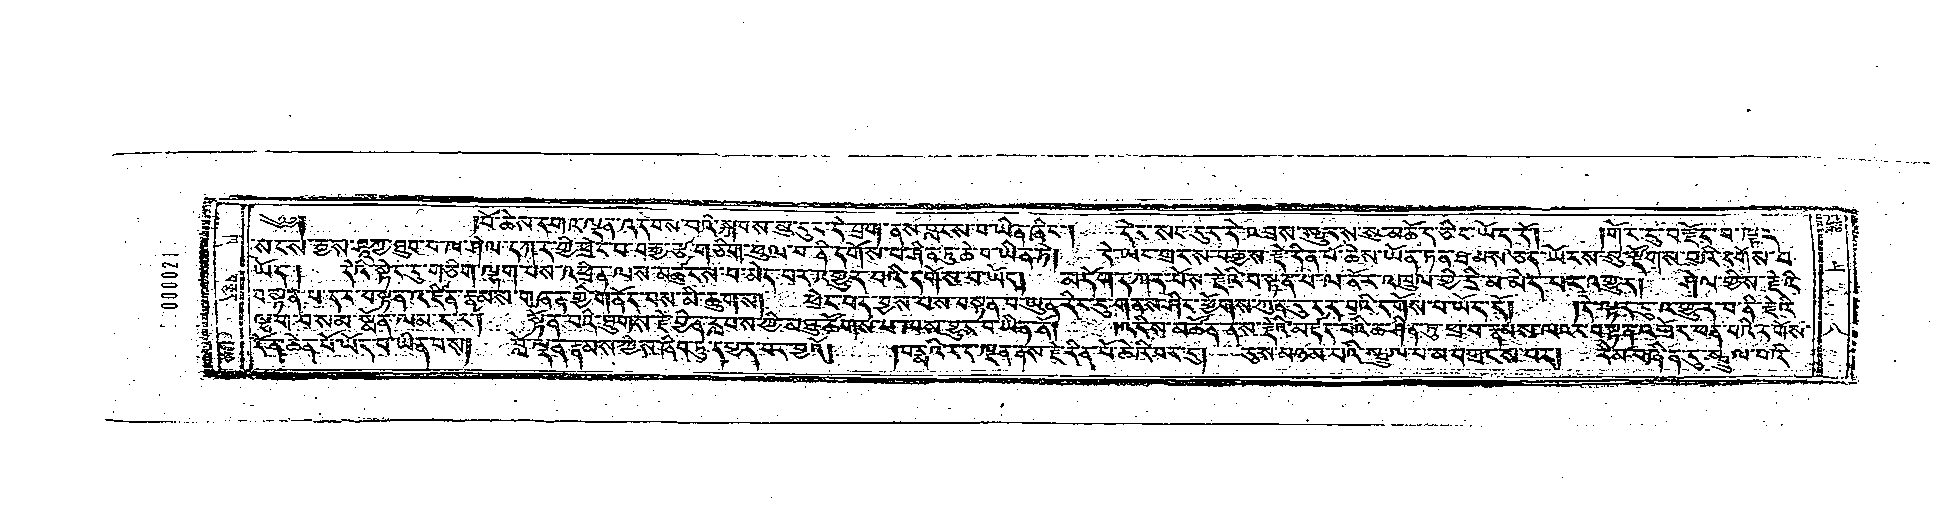༄༅། །པོ་ཆེས་དགའ་ལྡན་འདེབས་པའི་སྐབས་སུ་དུང་དེ་བྲག་ནས་བླངས་པ་ཡིན་ཞིང་། དེང་སང་དུང་དེ་འབྲས་སྤུངས་སུ་མཆོད་ཅིང་ཡོད་དོ། །གོང་དུ་བརྗོད་པ་ལྟར་
སངས་རྒྱས་ཤཱཀྱ་ཐུབ་པ་ལ་ཤེལ་དཀར་གྱི་ཕྲེང་བ་བརྒྱ་རྩ་གཅིག་ཕུལ་བ་ནི་དགོས་པ་ཤིན་ཏུ་ཆེ་བ་ཡིན་ཏེ། དེ་ཡང་གྲངས་བརྒྱས་རྗེ་རིན་པོ་ཆེས་ཡོན་ཏན་ཐམས་ཅད་ཡོངས་སུ་རྫོགས་པའི་དགོས་པ་
ཡོད། དེའི་སྟེང་དུ་གཅིག་ལྷག་པས་འཕྲིན་ལས་མཚུངས་པ་མེད་པར་འགྱུར་བའི་དགོས་པ་ཡོད། མདོག་དཀར་པོས་རྗེའི་བསྟན་པ་ལ་ནོར་འཁྲུལ་གྱི་དྲི་མ་མེད་པར་འགྱུར། ཤེལ་གྱིས་རྗེའི་
བསྟན་པ་དང་བསྟན་འཛིན་རྣམས་གཞན་གྱི་གནོད་པས་མི་ཚུགས། ཕྲེང་བར་བྱས་པས་བསྟན་པ་ཡུན་རིང་དུ་གནས་ཤིང་ཕྱོགས་ཀུན་དུ་དར་བའི་དགོས་པ་ཡོད་དོ། །དེ་ལྟར་དུ་འགྱུར་བ་ནི་རྗེའི་
ལྷག་བསམ་སྨོན་ལམ་དང་། སྟོན་པའི་ཐུགས་རྗེ་བྱིན་རླབས་ཀྱི་མཐུ་ཚོགས་པ་ལས་བྱུང་བ་ཡིན་ནོ། །འདིས་མཚོན་ནས་རྗེའི་མཛད་པའི་ཆ་ཤིན་ཏུ་ཕྲ་བ་རྣམས་ལའང་བསྟན་འགྲོད་ཕན་པའི་དགོས་
དོན་ཆེན་པོ་ཡོང་བ་ཡིན་པས། བློ་ལྡན་རྣམས་ཀྱིས་ཞིབ་ཏུ་དཔྱད་བར་བྱའོ། །པདམའི་ངང་ལྡན་ནས་རྗེ་རིན་པོ་ཆེའི་བར་དུ། དུས་མཉམ་པའི་སྤྲུལ་པ་མ་བགྲངས་པར། རིམ་བཞིན་དུ་སྤྲུལ་པའི་